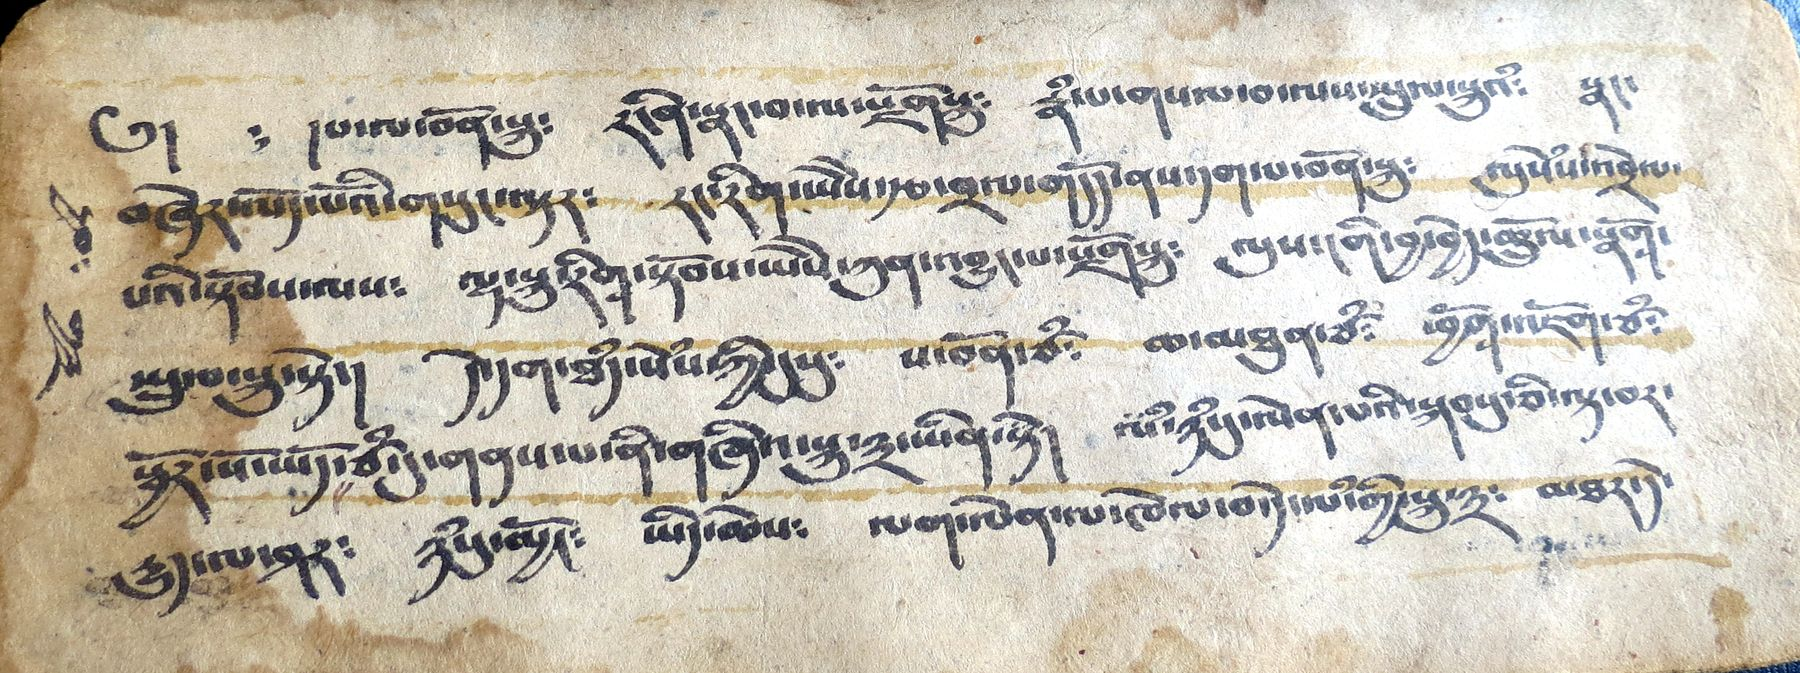བོན་སྐུ། རང་བཞིན་སྣང་བ་ལ་རྫོགས་སྐུ། རྣམ་པར་གསལ་བ་ལ་སྤྲུལ་སྐུའམ། ཡང་ན་སྣང་
བཞེར་ལོད་པོའི་གསུང་ལྟར། རང་རིག་ཡེ་ཤེས་ཀ་ནས་དག་པ་བོན་སྐུ། ལུས་སེམས་འབྲེལ་
བའི་སྟོབས་ལས་ལྷ་སྐུ་ཡེ་ཤེས་ཀུན་འབྱུང་བ་རྫོགས་སྐུ། ལུས་ངག་གི་བྱ་བྱེད་ཆོ་འཕྲུལ་ལ་སྣ་ཚོགས་
སྤྲུལ་སྐུ་སྟེ། དེ་དག་ཐམས་ཅད་སེམས་ཀྱི་དུས་ས་བོན་ཙམ། ཆ་མཐུན་ཙམ། ཕྱོགས་འཇོག་ཙམ། 
སྦྱར་སོ་ཡོད་ཙམ་དུ་གནས་པ་ནི། གཞི་ཡི་སྐུ་གསུམ་ཡིན། ཉམས་སུ་ལེན་པའི་སྐབས་སུ་ཇི་ལྟ་བར་
རྒྱུད་ལ་ཤར། ཉམས་སུ་མྱོང་། ཡིད་ཆེས། ལག་ལེན་ལ་ཁེལ་བ་དེ་ལམ་གྱི་སྐུ་གསུམ། མཐར་དེ་